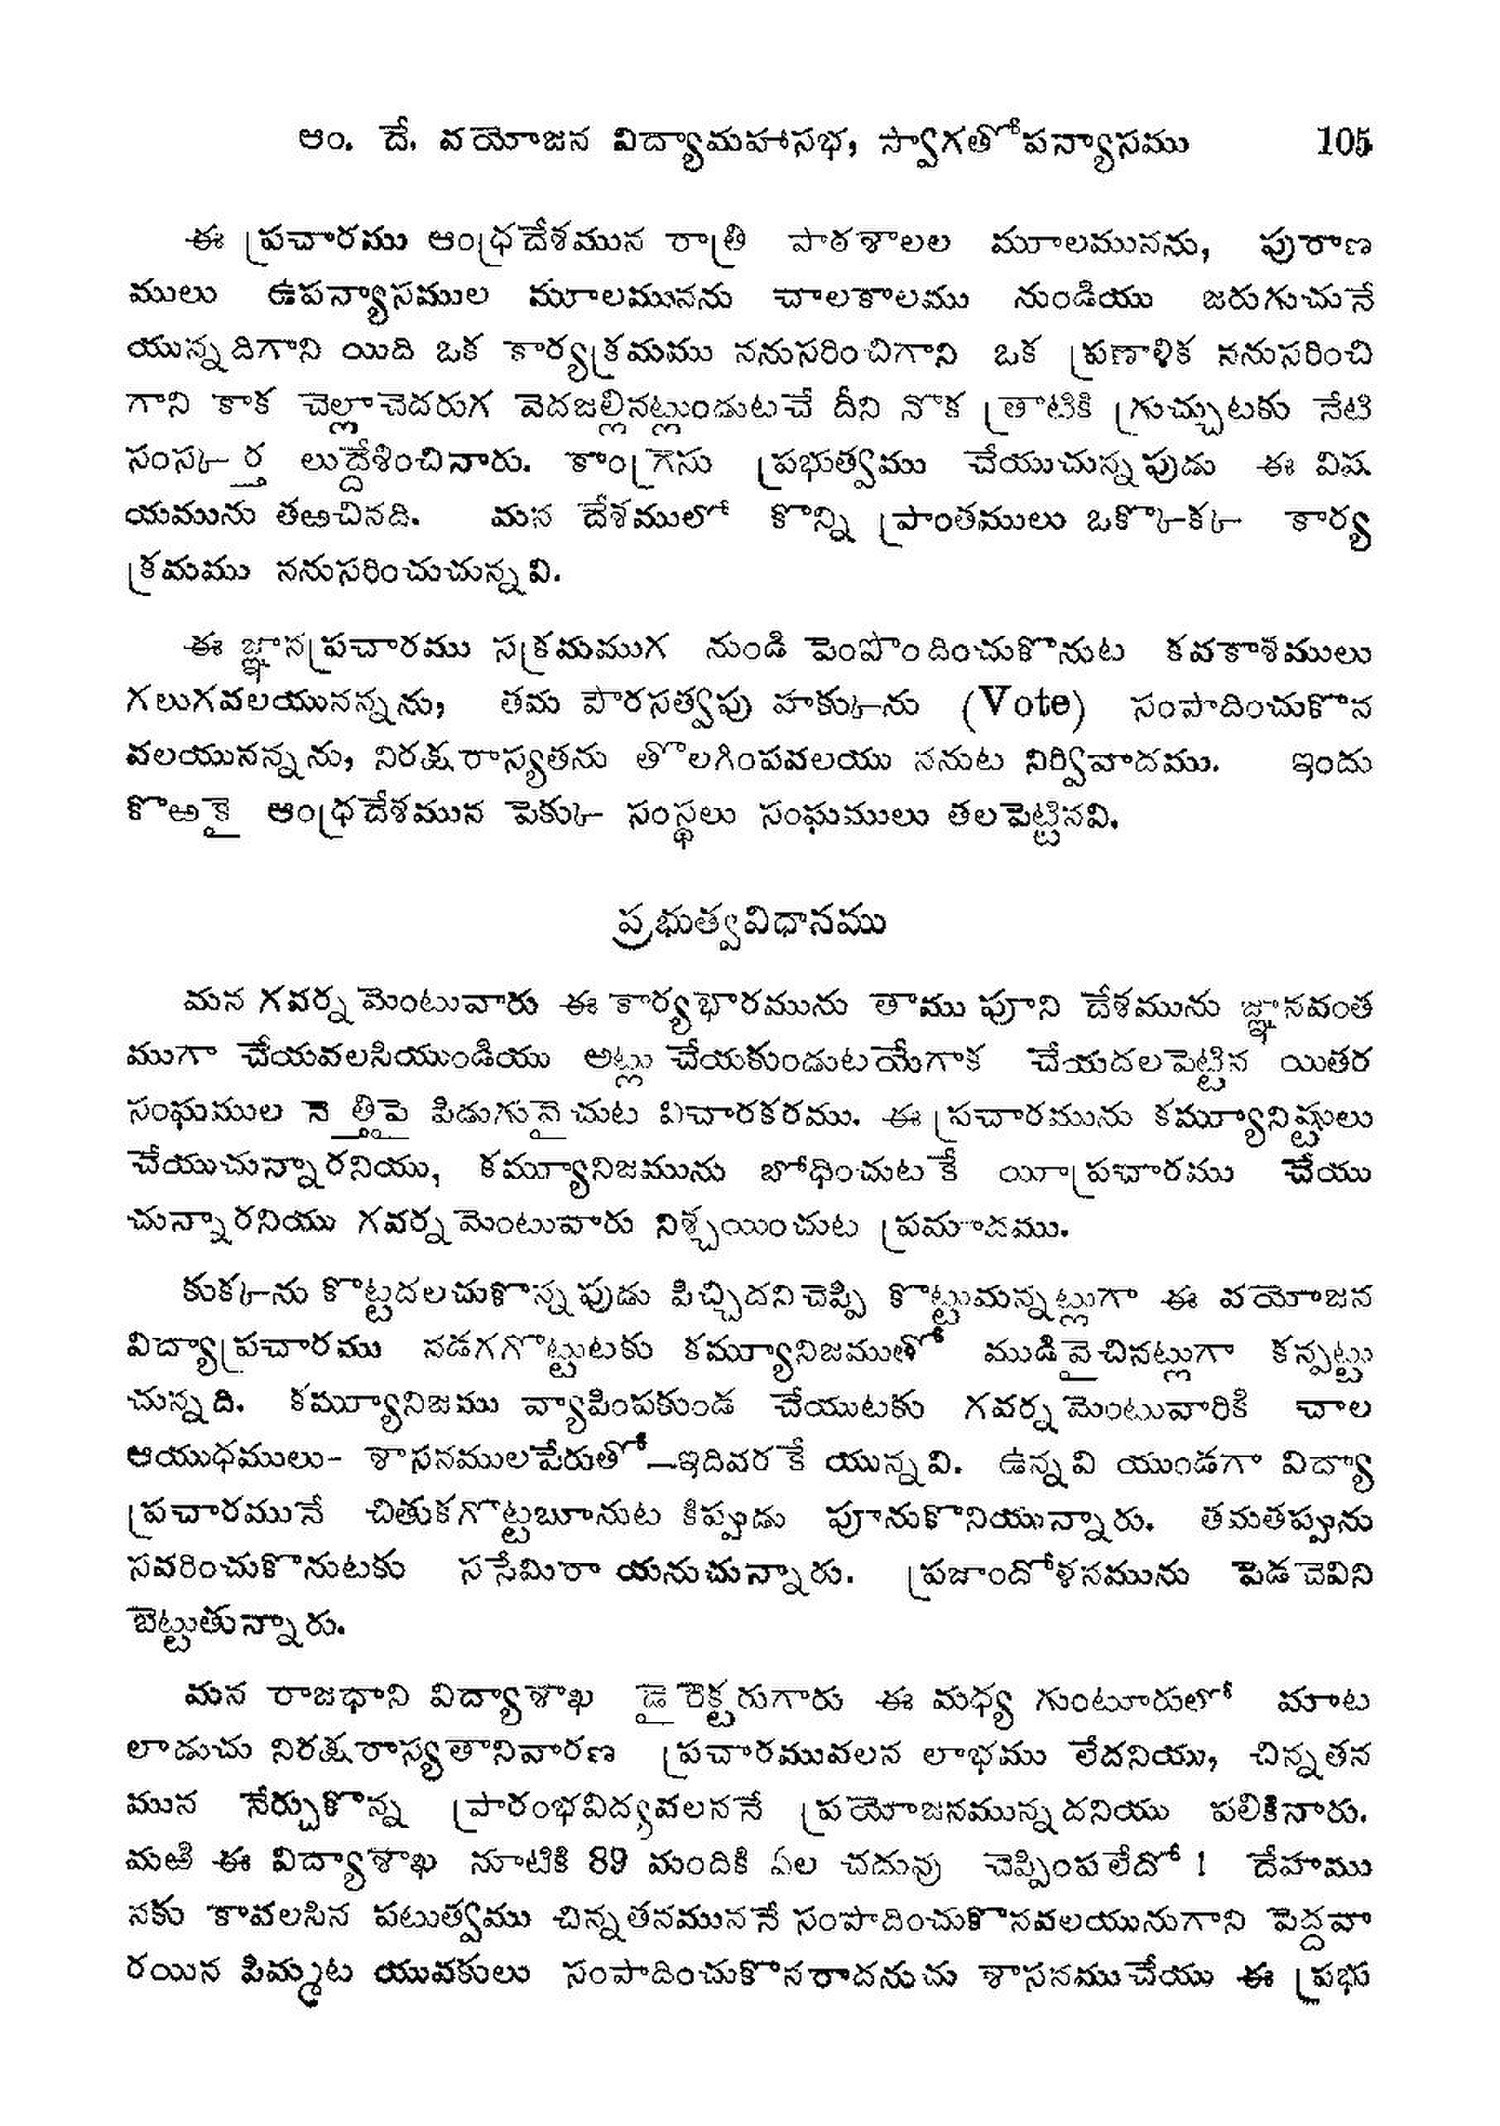ఈ ప్రచారము ఆంధ్రదేశమున రాత్రి పాఠశాలల మూలమునను, పురాణములు ఉపన్యాసముల మూలమునను చాలకాలము 
నుండియు జరుగుచునే యున్నదిగాని యిది ఒక కార్యక్రమము ననుసరించిగాని ఒక ప్రణాళిక ననుసరించి గాని 'కాక చెల్లాచెదరుగ వెదజల్లినట్లుండుటచే దీని నొక త్రాటికి గ్రుచ్చుటకు నేటి సంస్కర్త లుద్దేశించినారు. కాంగ్రెసు ప్రభుత్వము చేయుచున్నపుడు ఈ 
విషయమును తఱచినది. మన దేశములో కొన్ని ప్రాంతములు ఒక్కొక్క కార్యక్రమము ననుసరించుచున్నవి.

ఈ జ్ఞానప్రచారము సక్రమముగ నుండి పెంపొందించుకొనుట కవకాశములు గలుగవలయునన్నను, తమ పౌరసత్వపు హక్కును 
(Vote) సంపాదించుకొన వలయునన్నను, నిరక్షరాస్యతను తొలగింపవలయు ననుట నిర్వివాదము. ఇందుకొఱకై ఆంధ్రదేశమున
పెక్కు సంస్థలు సంఘములు తల పెట్టినవి.

మన గవర్నమెంటువారు ఈ కార్యభారమును తాము పూని దేశమును జ్ఞానవంతముగా చేయవలసియుండియు అట్లు 
చేయకుండుటయేగాక చేయదలపెట్టిన యితర సంఘముల నెత్తిపై పిడుగువైచుట విచారకరము. ఈ ప్రచారమును కమ్యూనిష్టులు
చేయుచున్నారనియు, కమ్యూనిజమును బోధించుటకే యీ ప్రచారము చేయుచున్నారనియు గవర్నమెంటువారు నిశ్చయించుట 
ప్రమాదము.

కుక్కను కొట్టదలచుకొన్నపుడు పిచ్చిదని చెప్పి కొట్టుకున్నట్లుగా ఈ వయోజన విద్యాప్రచారము పడగగొట్టుటకు కమ్యూనిజముతో 
ముడివైచినట్లుగా కన్పట్టు చున్నది. కమ్యూనిజము వ్యాపింపకుండ చేయుటకు గవర్నమెంటువారికి చాల ఆయుధములు - 
శాసనముల పేరుతో — ఇదివరకే యున్నవి. ఉన్నవి యుండగా విద్యాప్రచారమునే చితుక గొట్టబూనుట కిప్పుడు పూనుకొని
యున్నారు. తమ తప్పును సవరించుకొనుటకు ససేమిరా యనుచున్నారు. ప్రజాందోళనమును పెడచెవిని బెట్టుతున్నారు.

మన రాజధాని విద్యాశాఖ డైరెక్టరుగారు ఈ మధ్య గుంటూరులో మాటలాడుచు నిరక్షరాస్యతా నివారణ ప్రచారమువలన లాభము 
లేదనియు, చిన్నతనమున నేర్చుకొన్న ప్రారంభవిద్యవలననే ప్రయోజనమున్నదనియు పలికినారు. మఱి ఈ విద్యాశాఖ నూటికి 
89 మందికి ఏల చదువు చెప్పింపలేదో! దేహమునాకు కావలసిన పటుత్వము చిన్నతనముననే సంపాదించుకొనవలయునుగాని
పెద్దవారయిన పిమ్మట యువకులు సంపాదించుకొనరాదనుచు శాసనము చేయు ఈ ప్రభు